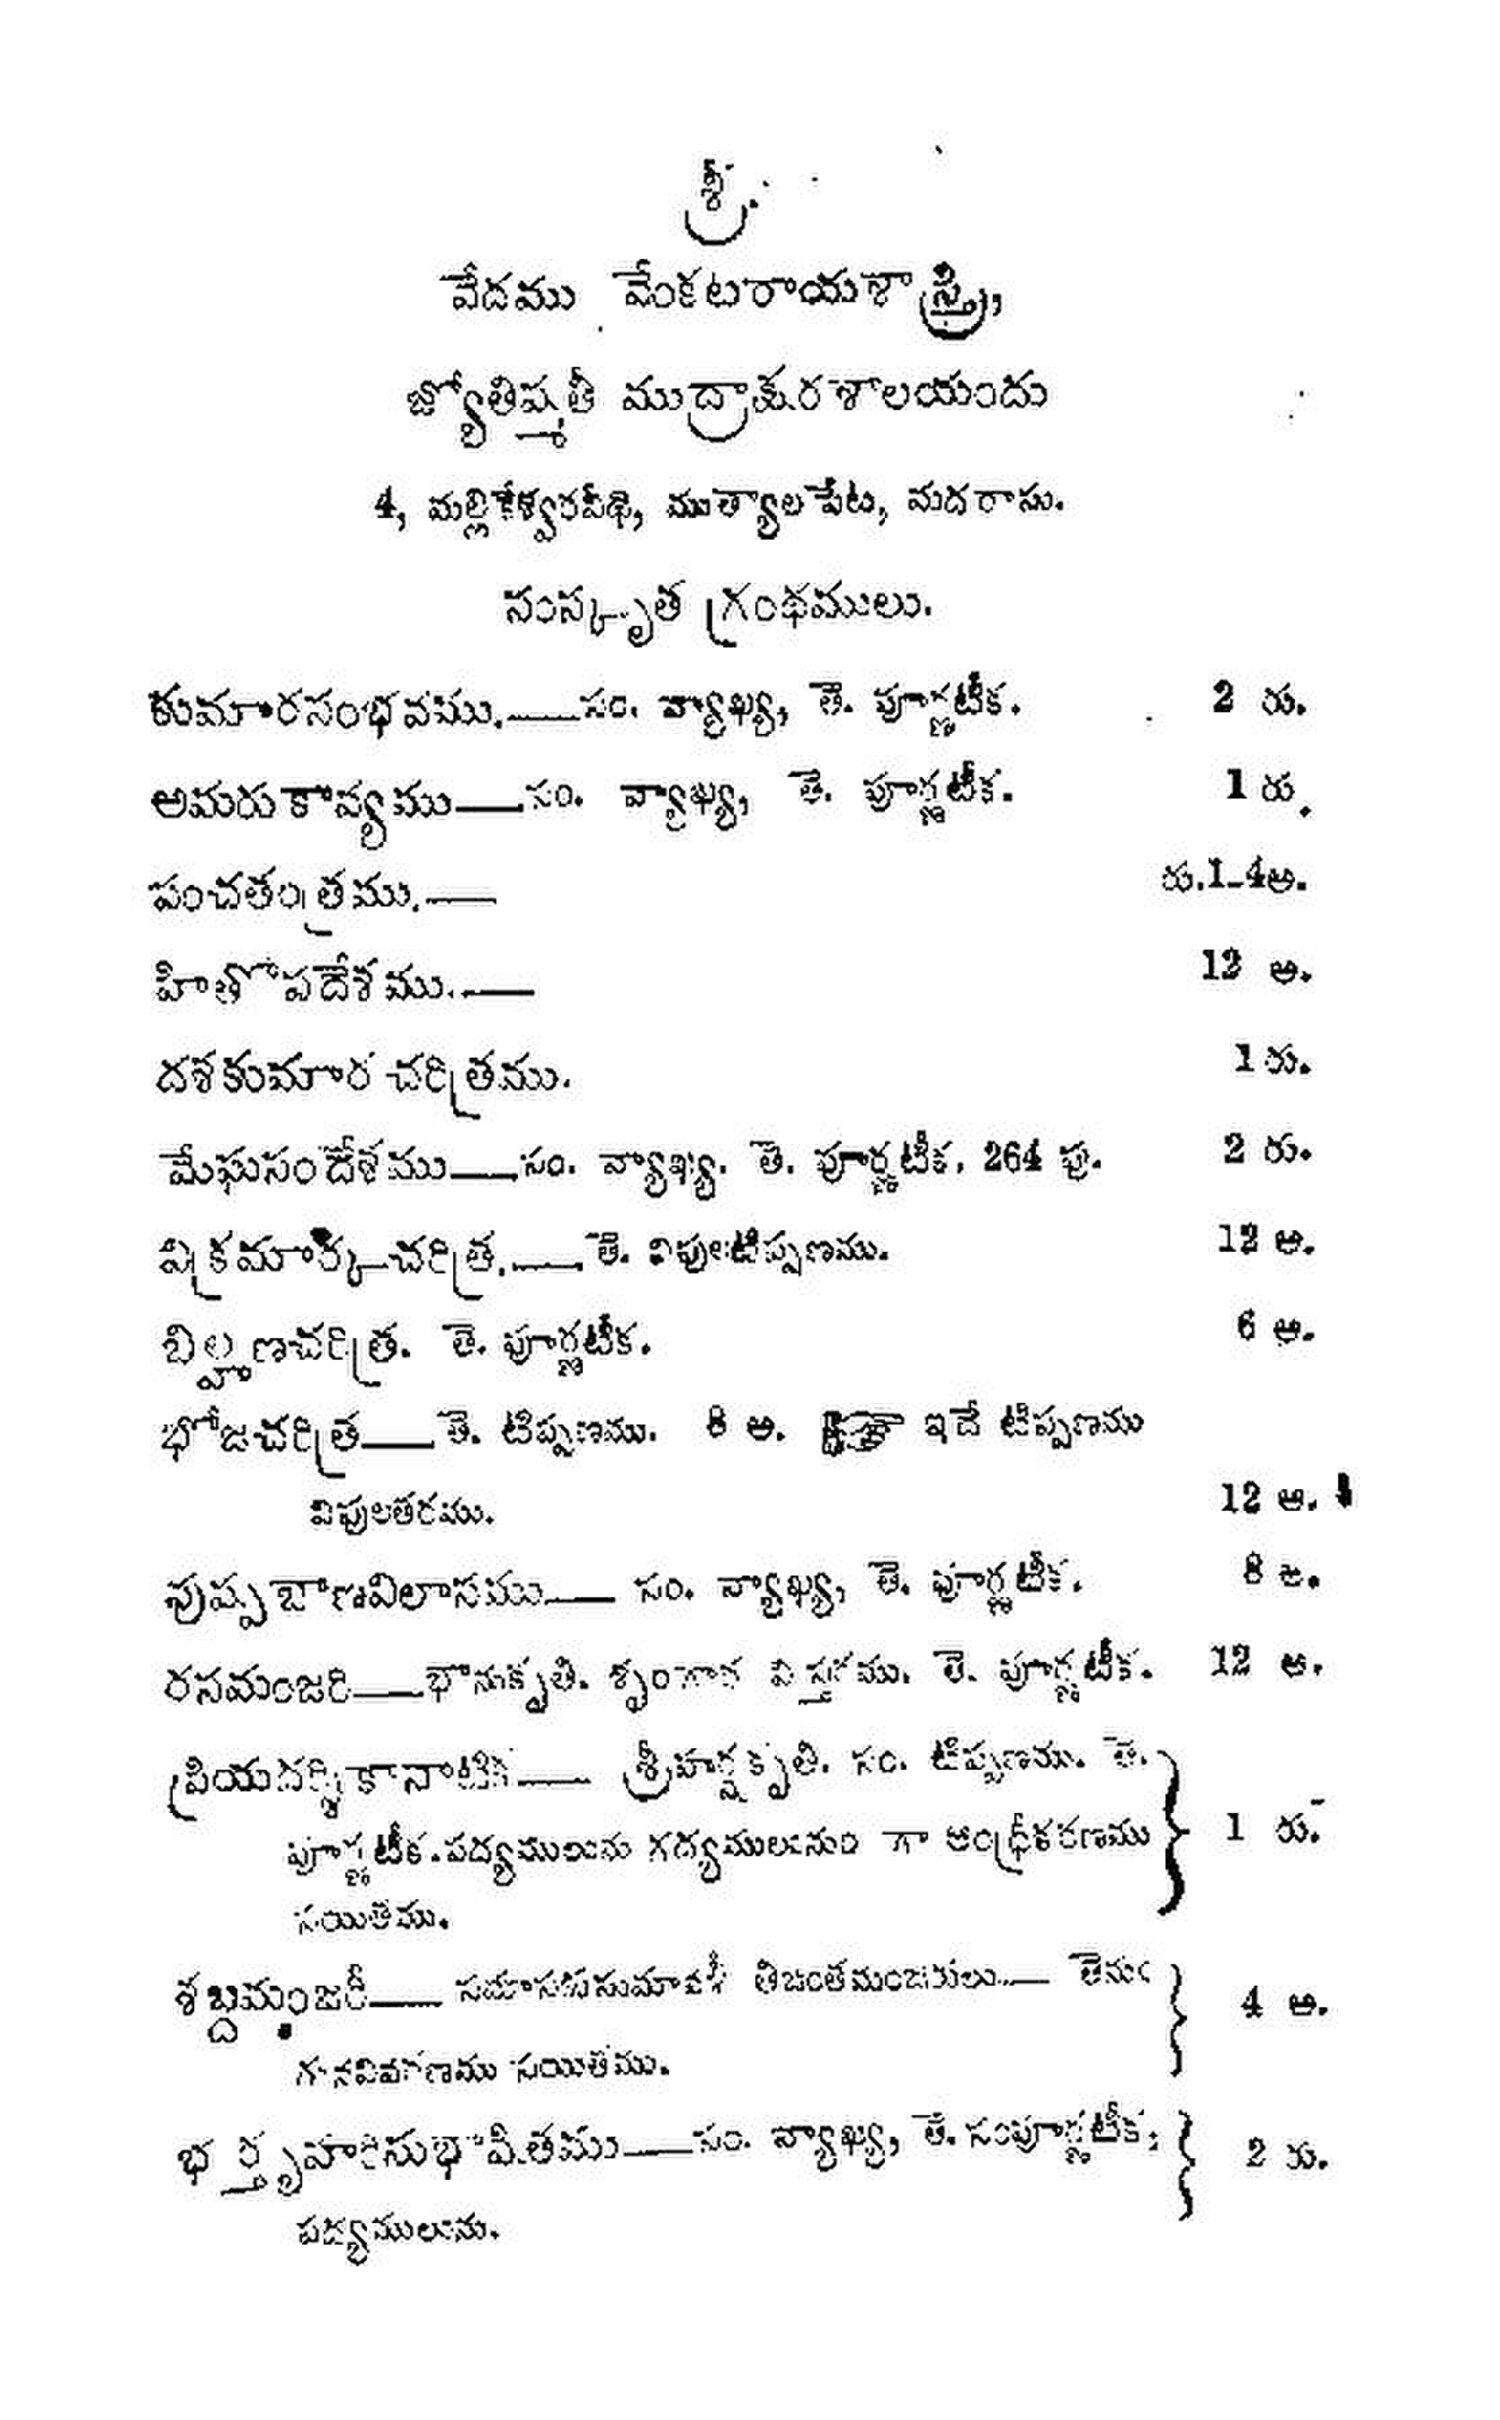కుమారసంభవము. సం. వ్యాఖ్య, 7. పూర్ణటీక . 2 రు
అమరు కావ్యము – సం. వ్యాఖ్య, తే. పూర్ణటీక. 1 రు
పంచతంత్రము - రు. 1 4 అ.
హితోపదేశము. 12 అ
దశకుమార చరిత్రము. 1 రు
మేఘసందేశము సం. న్యాఖ్య. "తె. పూర్ణటీక, 264 ఫు 2 రు.
విక్రమార్క చరిత్ర. - కె. విపు టిప్పణము. 12 అ
బిల్హణచరిత్ర. 'తె. పూర్ణటీక. 6 అ
భోజచరిత్ర 3. టిప్పణము. 8 ఆ. ఇదే టిప్పణము
విపులతరము. 12 అ
పుష్పజాణవిలాసము... సం. న్యాఖ్య, తె. పూర్ణ టీ! 8 అ.
రసమంజరీ కొనుకృతి. శృంగాన ని నము. 'లె. పూర్శటీక. 12 6.
ప్రియదర్శి కానాటికి శ్రీహర్ష కృతి. KC. టిప్పణను. ఆ
పూvటీక . పద్యములును గద్యములునుం గా ఆంద్రీకరణము
సయితము, 4 అ
శబ్దమంజరీ సమాసకుసుమాకు అజంత మంజులు.. తెనుఁ ,
గునవివరణము సయితము. 4 అ

భర్తృహ రిసుభాషితము...... వ్యాఖ్య, కే. సంపూర్ణ టీ , ,
పద్యములును,................................................................2 రు